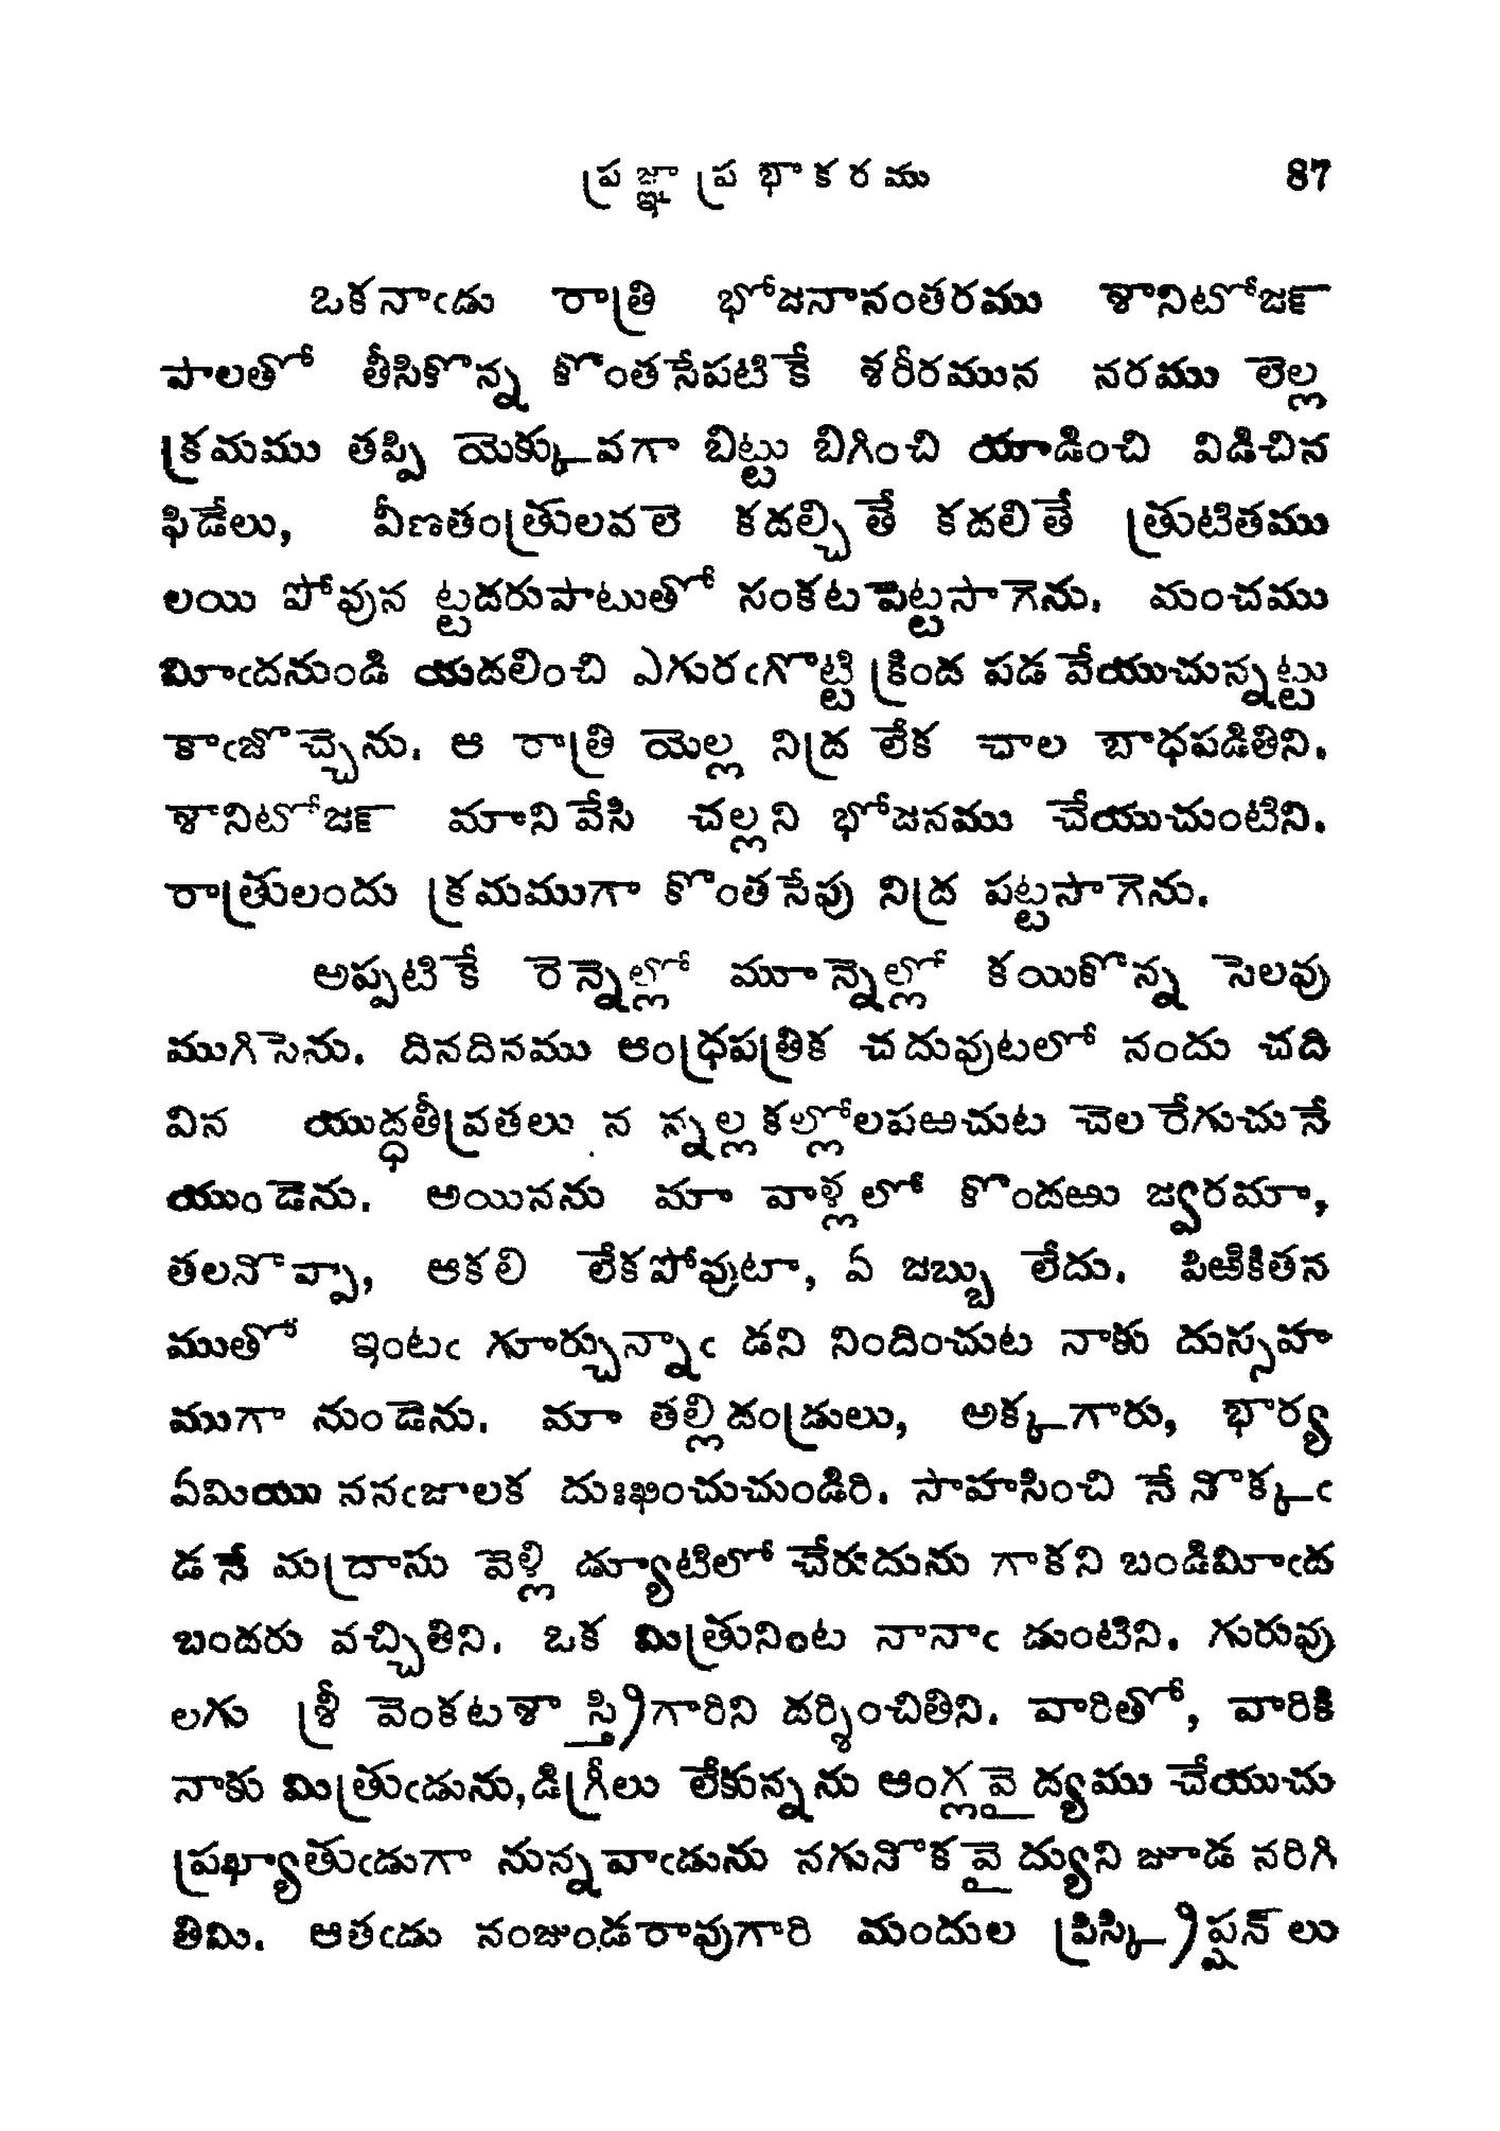ఒకనాడు రాత్రి భోజనానంతరము శానిటోజన్పాలతో తీసికొన్న కొంతసేపటికే శరీరమున నరము లెల్ల క్రమము తప్పి ఎక్కువగా బిట్టుబిగించి యాడించివిడిచిన ఫిడేలు, విణతంత్రులవలె కదల్సితే కదలితే త్రుటితములయి పోవునట్టదరుపాటుతో సంకట పెట్టసాగెను. మంచము మీద నుండి యదిలించి ఎగగొట్టి క్రింద పడవేయు చున్నట్లు కాజోచ్చెను. ఆ రాత్రి యెల్ల నిద్ర లేక చాల బాధపడితిని, శానిటోజ మానివేసి చల్లని భోజనము చేయుచుంటిని, రాత్రులందు క్రమముగా కొంతసేపు నిద్ర పట్టసాగెను.

అప్పటికే రేన్నేల్లో మూన్నేల్లో కయికొన్న సెలవు ముగిసెను. దినదినము ఆంధ్రపత్రిక చదువుటలో నందు చదివిన యుద్దతివ్రతలు నన్నల్లు కల్లోలపఱచుట చెల రేగుచునే యుండెను. అయినను మా వాళ్ళలో కొందఱుజ్వరమూ తలనొప్పా, ఆకలి లేకపోవుటా, ఏ జబ్బు లేదు పిఱికితస ముతో ఇంట గూర్చున్నాడని నిందించుట నాకు దుస్సహముగా నుండెను, మా తల్లిదండ్రులు, అక్కగారు, భార్య ఏమియు ననజాలక దుఃఖించుచుండిరి, సాహసించి నే నోక్కడనే మద్రాసు వెళ్ళి డ్యూటిలో చేరుదును గాకని బండిమీద బందరు వచ్చితిని, ఒక మిత్రునింట నానాడుంటిని, గురువులగు శ్రీ వెంకటశాస్త్రిగారిణి దర్శించితిని వారితో, వారికి నాకు మిత్రుఁడును, డిగ్రీలు లేకున్నను ఆంగ్లవ్తెద్యము చేయుచు ప్రఖ్యాతుఁడుగా నున్నవాడును నగునొక వ్తేద్యని జూడ నరిగితిమి. అతడు నంజుండ రావుగారి మందుల ప్రిస్క్రిప్షన్ లు